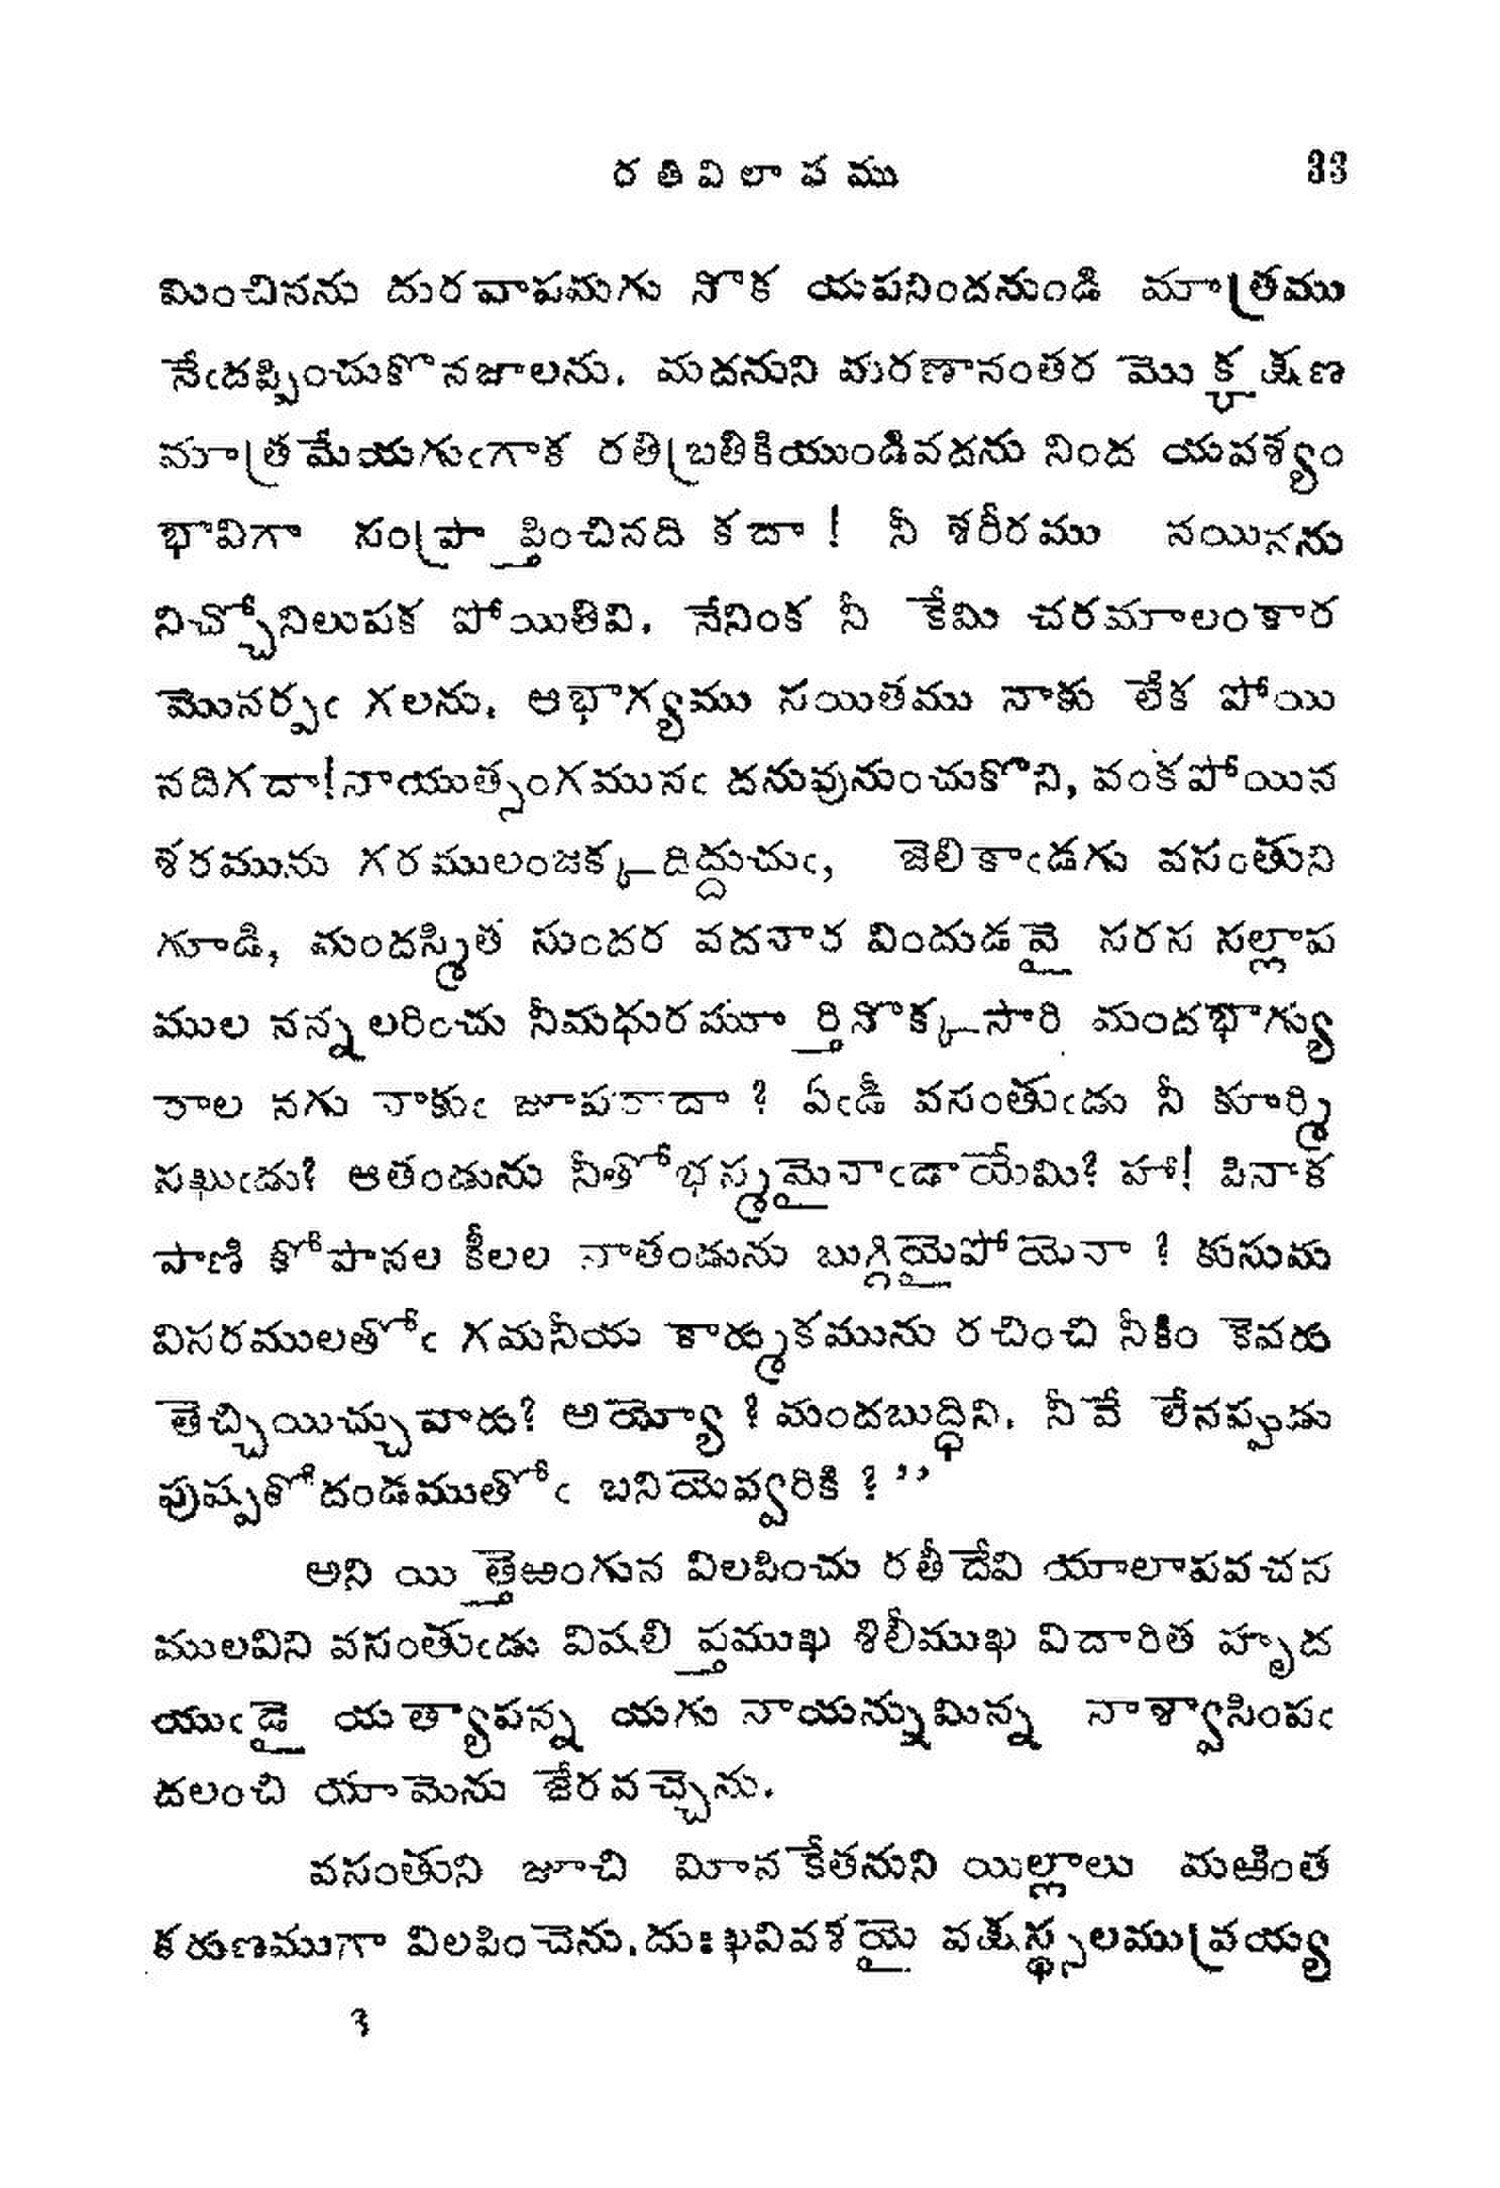మించినను దురవాపనగు నొక యపనిందనుండి మాత్రమునేఁదప్పించుకొనజాలను, మదనుని మరణానంతర మొక్కక్షణ
మాత్రమేయగుఁగాక రతిబ్రతికియుండివదను నింద యవశ్యం భావిగా సంప్రాప్తించినది కదా ! నీ శరీరము నయినను
నిచ్చోనిలుపక పోయితివి. నేనింక నీ కేమి చరమాలంకార మొనర్పఁ గలను, ఆభాగ్యము సయితము నాకు లేక పోయి
నదిగదా!నాయుత్సంగమునఁ దనువునుంచుకొని, వంకపోయిన శరమును గరములంజక్క దిద్దుచుఁ, జెలికాఁడగు వసంతుని
గూడి, మందస్మిత సుందర వదనార విందుడపై సరస సల్లాపముల నన్న లరించు నీమధుర మూర్తి నొక్కసారి మంద భాగ్యురాల నగు నాకుఁ జూపరాదా ? ఏఁడీ వసంతుఁడు నీ కూర్మి సఖుఁడు? అతండును నీతో భస్మమైనాఁడాయేమి? హా! పినాక పాణి కోపానల కీలల నాతండును బుగ్గియైపోయెనా ! కుసుమ విసరములతోఁ గమనీయ కార్ముకమును రచించి నీకిం కెవరు తెచ్చియిచ్చువారు? అయ్యో ? మందబుద్ధిని, నీవే లేనప్పుడు పుష్పకోదండముతోఁ బనియెవ్వరికి ?”

అని యి త్తెఱంగున విలపించు రతీ దేవి యాలాపవచనములవిని వసంతుఁడు విషలి ప్తముఖ శిలీముఖ విదారిత హృద
యుఁడై యత్యాపన్న యగు నాయన్ను మిన్న నాశ్వాసింపఁ దలంచి యామెను జేరవచ్చెను.

వసంతుని జూచి మీన కేతనుని యిల్లాలు మఱింత కరుణముగా విలపించెను, దుఃఖవివశయై వక్షస్థలమువ్రయ్య